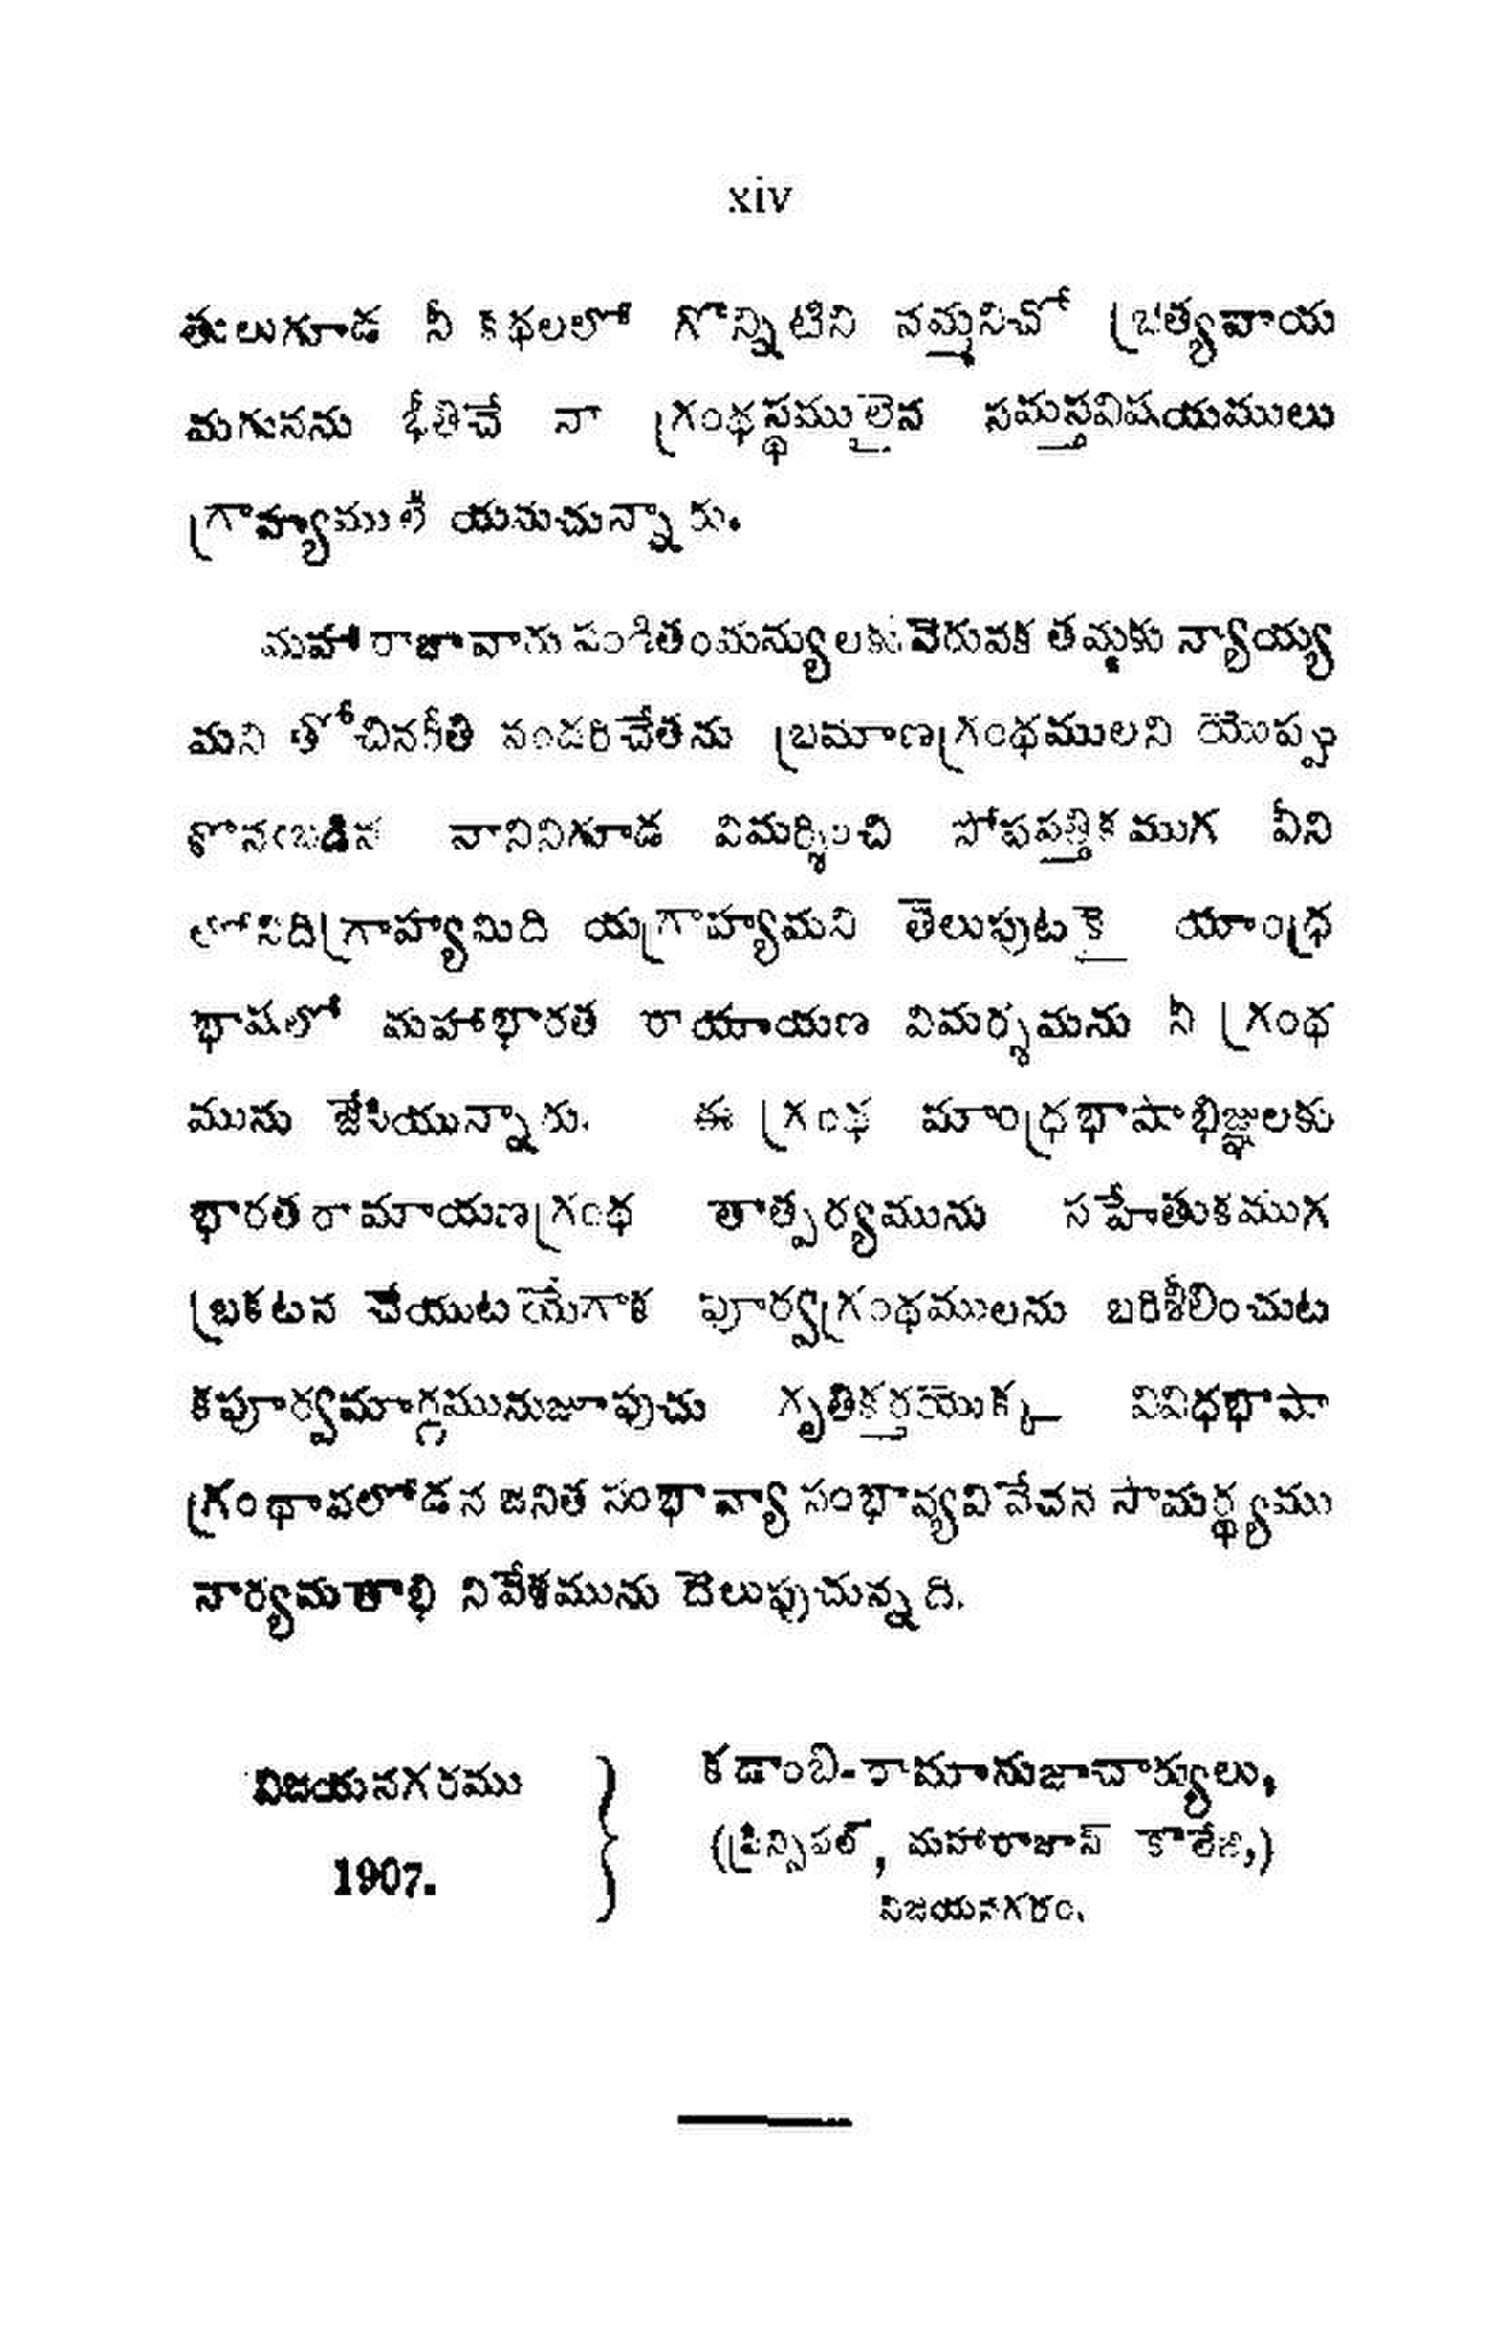తులుగూడ నీ కథలలో గొన్నిటిని నమ్మనిచో బ్రత్యవాయమగునను భీతిచే నా గ్రంథస్థములైన సమస్తవిషయములు గ్రాహ్యములే యనుచున్నారు.

మహారాజావారు పండితంమన్యులకువెరువక తమకు న్యాయ్యమని తోచినరీతి నందరిచేతను బ్రమాణగ్రంథములని యొప్పుకొనఁబడిన వానినిగూడ విమర్శించి సోపపత్తికముగ వీనిలోనిదిగ్రాహ్య మిది యగ్రాహ్యమని తెలుపుటకై యాంధ్రభాషలో మహాభారత రామాయణ విమర్శమను నీ గ్రంధమును జేసియున్నారు. ఈ గ్రంథ మాంధ్రభాషాభిజ్ఞులకు భారతరామాయణగ్రంథ తాత్పర్యమును సహేతుకముగ బ్రకటన చేయుటయేగాక పూర్వగ్రంథములను బరిశీలించుట కపూర్వమార్గమును జూపుచు గృతికర్తయుక్క వివిధభాషా గ్రంథావలోడన జనిత సంభావ్యా సంభావ్యవివేచన సామర్థ్యము
నార్యమతాభి నివేశమును దెలుపుచున్న ది.

విజయనగరము

1907.

___________